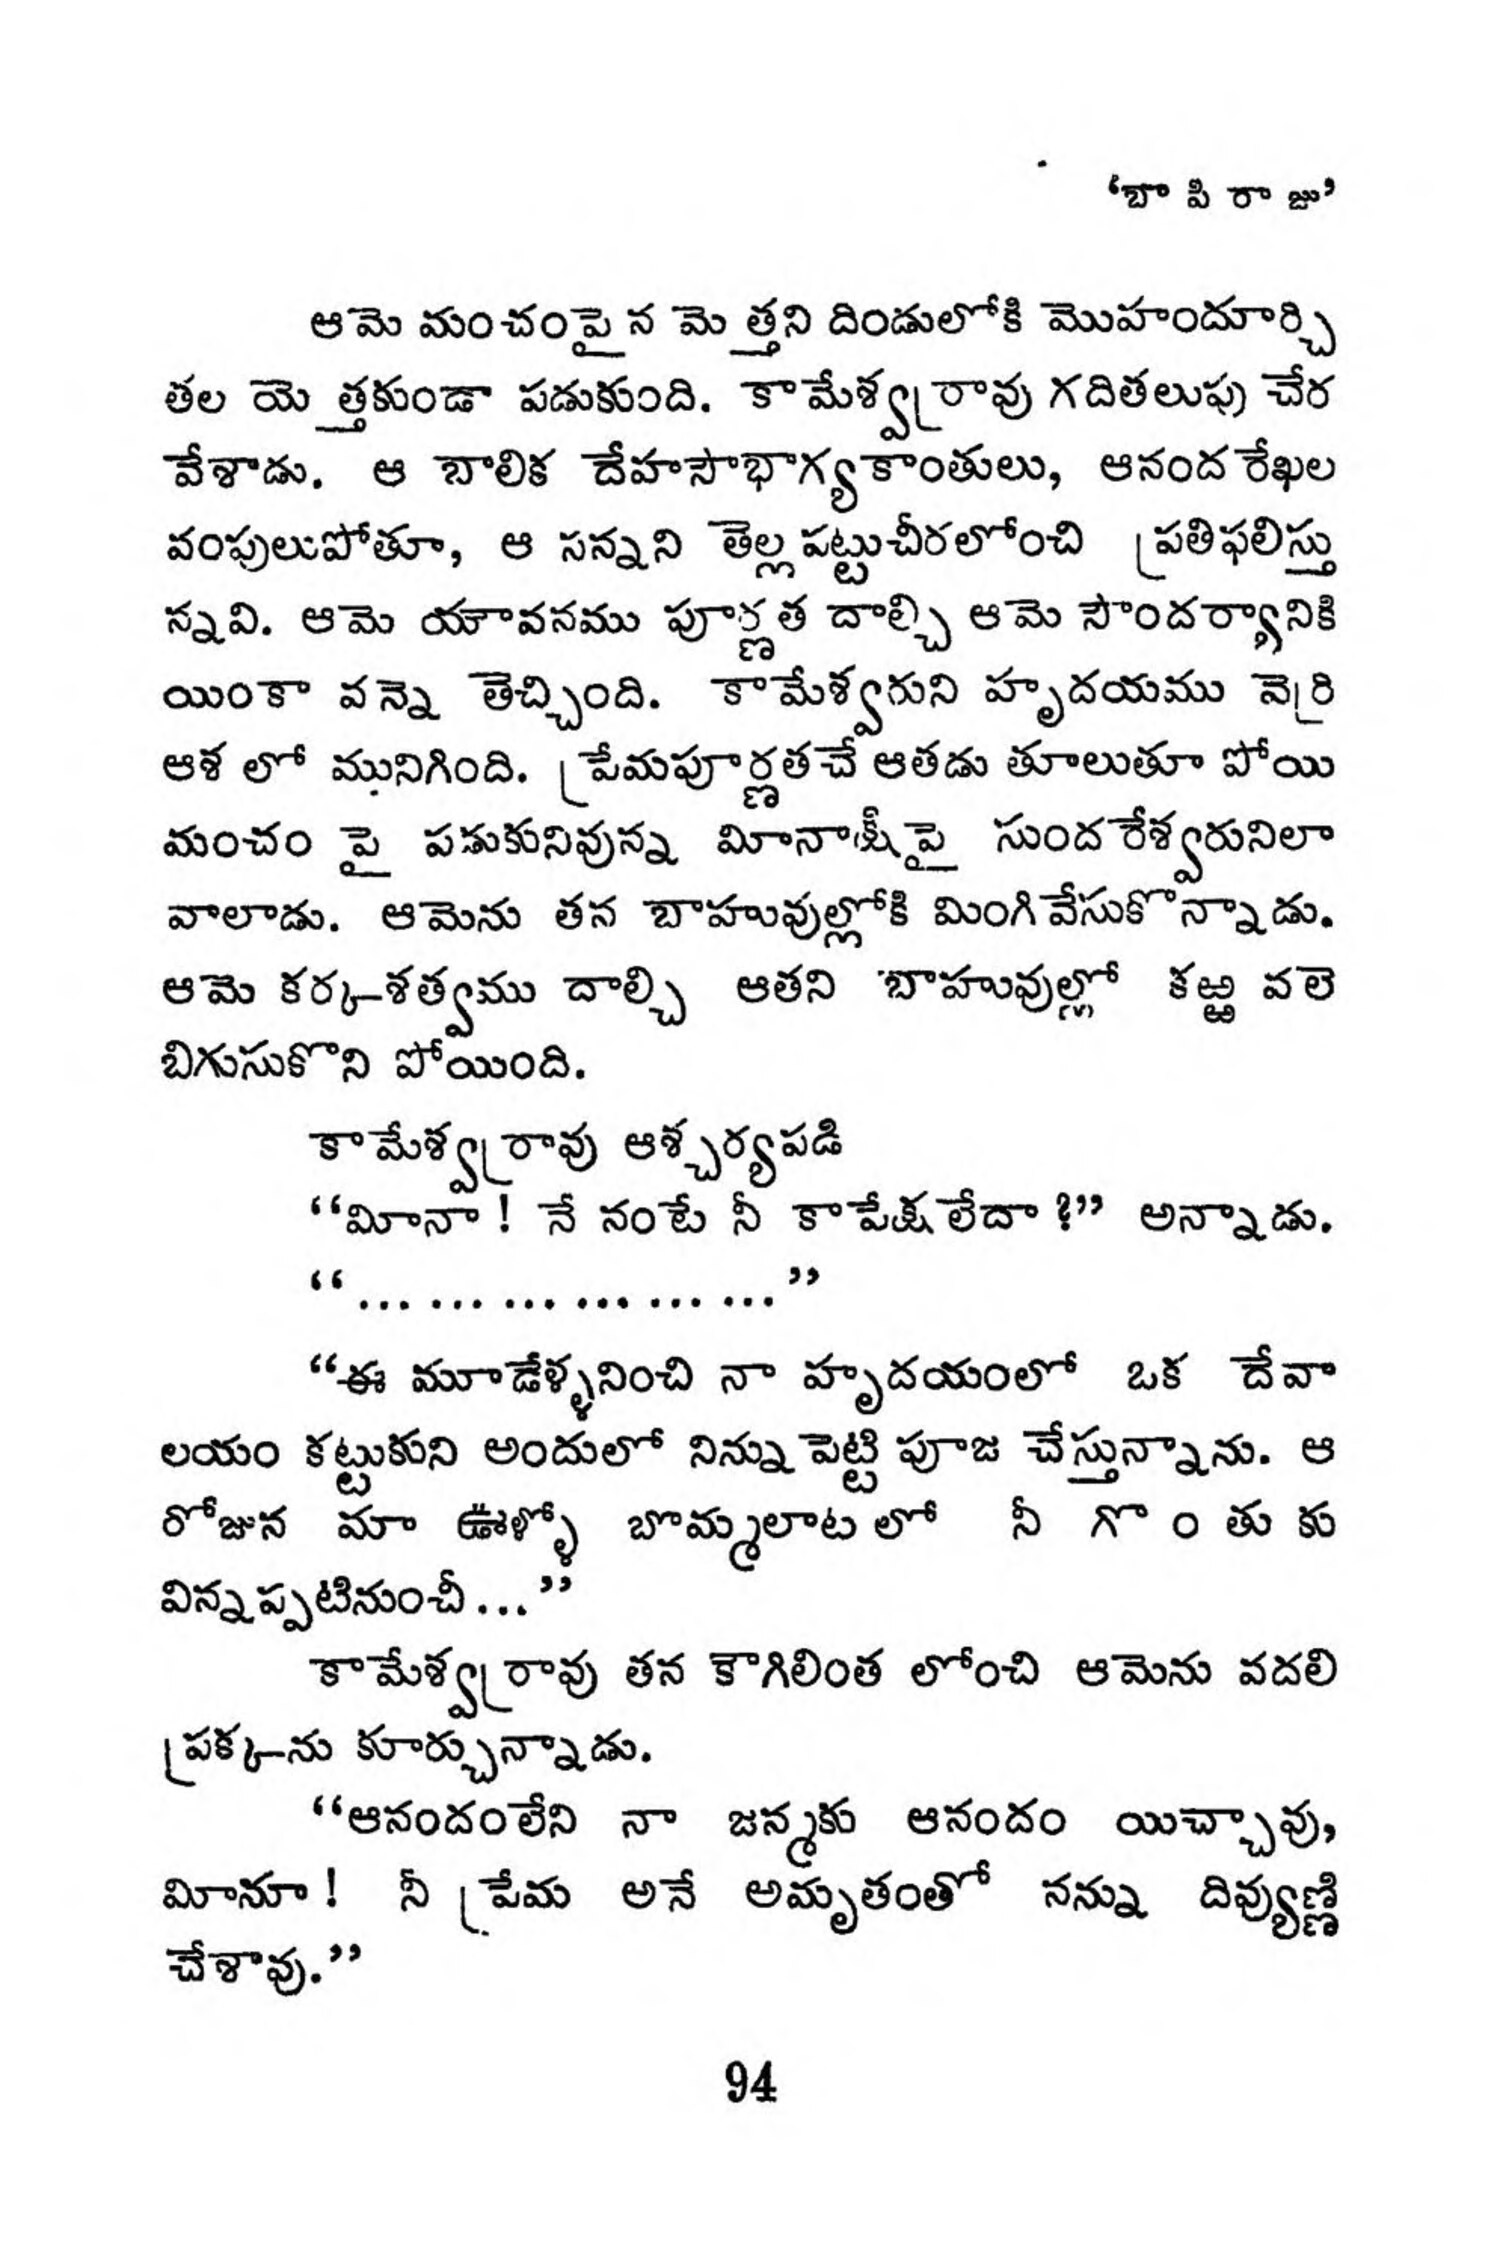ఆమె మంచంపైన మెత్తని దిండులోకి మొహందూర్చి తల యెత్తకుండా పడుకుంది. కామేశ్వర్రావు గదితలుపు చేర వేశాడు. ఆ బాలిక దేహసౌభాగ్యకాంతులు, ఆనందరేఖల వంపులుపోతూ, ఆ సన్నని తెల్ల పట్టుచీరలోంచి ప్రతిఫలిస్తున్నవి. ఆమె యౌవనము పూర్ణత దాల్చి ఆమె సౌందర్యానికి యింకా వన్నె తెచ్చింది. కామేశ్వరుని హృదయము వెర్రి ఆశ లో మునిగింది. ప్రేమపూర్ణతచే ఆతడు తూలుతూ పోయి మంచం పై పడుకునివున్న మీనాక్షిపై సుందరేశ్వరునిలా వాలాడు. ఆమెను తన బాహువుల్లోకి మింగివేసుకొన్నాడు. ఆమె కర్కశత్వము దాల్చి ఆతని బాహువుల్లో కఱ్ఱ వలె బిగుసుకొని పోయింది.

కామేశ్వర్రావు ఆశ్చర్యపడి

"మీనా ! నే నంటే నీ కాపేక్షలేదా?" అన్నాడు.

"........................."

"ఈ మూడేళ్ళనించి నా హృదయంలో ఒక దేవాలయం కట్టుకుని అందులో నిన్ను పెట్టి పూజ చేస్తున్నాను. ఆ రోజున మా ఊళ్ళో బొమ్మలాటలో నీ గొంతుకు విన్నప్పటినుంచీ..."

కామేశ్వర్రావు తన కౌగిలింత లోంచి ఆమెను వదలి ప్రక్కను కూర్చున్నాడు.

"ఆనందంలేని నా జన్మకు ఆనందం యిచ్చావు, మీనూ! నీ ప్రేమ అనే అమృతంతో నన్ను దివ్యుణ్ణి చేశావు."